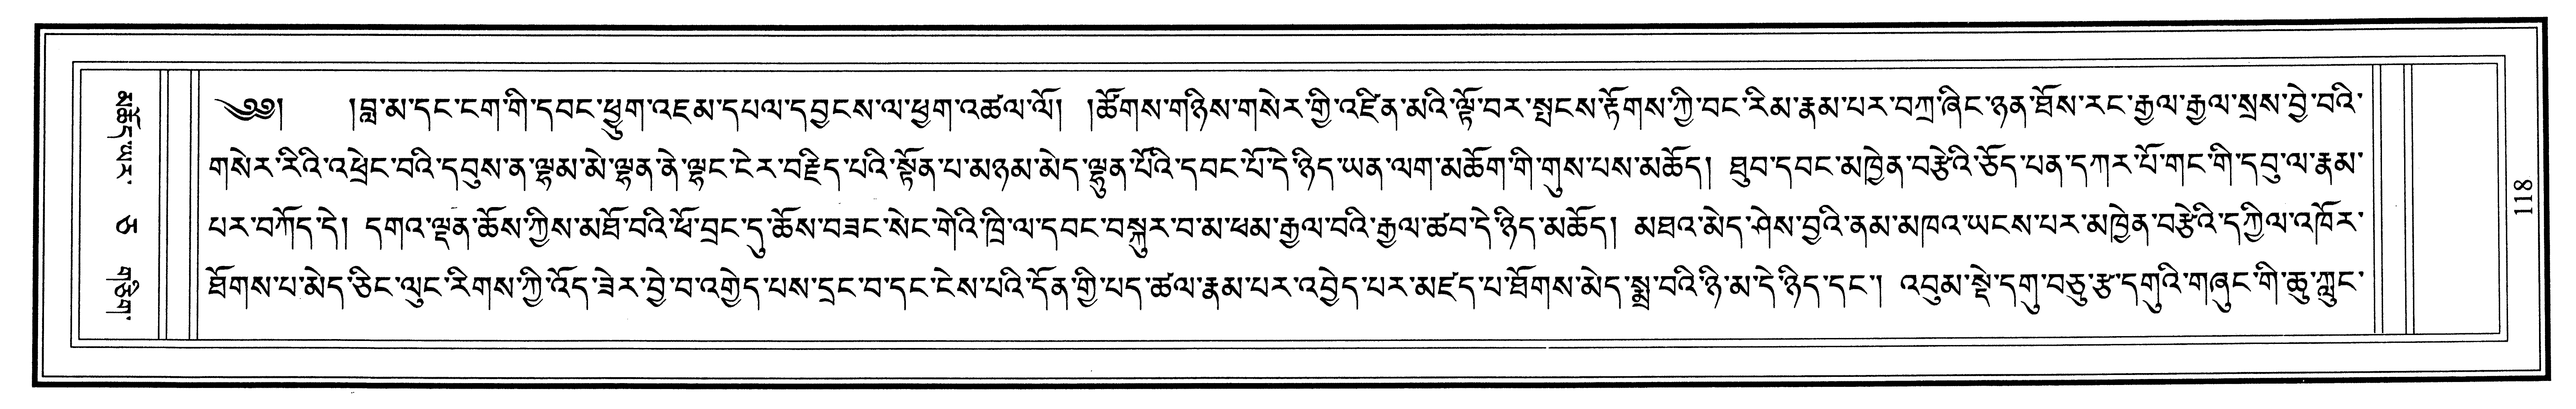༄༅༅། །བླ་མ་དང་ངག་གི་དབང་ཕྱུག་འཇམ་དཔལ་དབྱངས་ལ་ཕྱག་འཚལ་ལོ། །ཚོགས་གཉིས་གསེར་གྱི་འཛིན་མའི་ལྟོ་བར་སྤངས་རྟོགས་ཀྱི་བང་རིམ་རྣམ་པར་བཀྲ་ཞིང་ཉན་ཐོས་རང་རྒྱལ་རྒྱལ་སྲས་བྱེ་བའི་
གསེར་རིའི་འཕྲེང་བའི་དབུས་ན་ལྷམ་མེ་ལྷན་ནེ་ལྷང་ངེར་བརྗིད་པའི་སྟོན་པ་མཉམ་མེད་ལྷུན་པོའི་དབང་པོ་དེ་ཉིད་ཡན་ལག་མཆོག་གི་གུས་པས་མཆོད། ཐུབ་དབང་མཁྱེན་བརྩེའི་ཅོད་པན་དཀར་པོ་གང་གི་དབུ་ལ་རྣམ་
པར་བཀོད་དེ། དགའ་ལྡན་ཆོས་ཀྱིས་མཐོ་བའི་ཕོ་བྲང་དུ་ཆོས་བཟང་སེང་གེའི་ཁྲི་ལ་དབང་བསྐུར་བ་མ་ཕམ་རྒྱལ་བའི་རྒྱལ་ཚབ་དེ་ཉིད་མཆོད། མཐའ་མེད་ཤེས་བྱའི་ནམ་མཁའ་ཡངས་པར་མཁྱེན་བརྩེའི་དཀྱིལ་འཁོར་
ཐོགས་པ་མེད་ཅིང་ལུང་རིགས་ཀྱི་འོད་ཟེར་བྱེ་བ་འགྱེད་པས་དྲང་བ་དང་ངེས་པའི་དོན་གྱི་པད་ཚལ་རྣམ་པར་འབྱེད་པར་མཛད་པ་ཐོགས་མེད་སྨྲ་བའི་ཉི་མ་དེ་ཉིད་དང་། འབུམ་སྡེ་དགུ་བཅུ་རྩ་དགུའི་གཞུང་གི་ཆུ་ཀླུང་